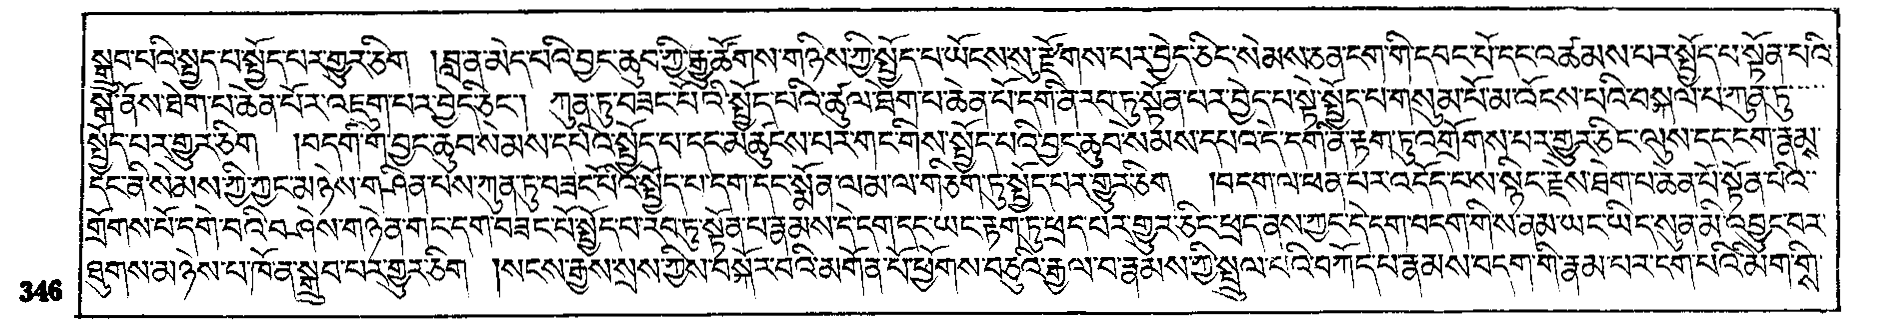སྒྲུབ་པའི་སྤྱད་པ་སྤྱོད་པར་གྱུར་ཅིག །བླ་ན་མེད་པའི་བྱང་ཆུབ་ཀྱི་རྒྱུ་ཚོགས་གཉིས་ཀྱི་སྤྱོད་པ་ཡོངས་སུ་རྫོགས་པར་བྱེད་ཅིང་སེམས་ཅན་ངག་གི་དབང་པོ་དང་འཚམས་པར་སྤྱོད་པ་སྟོན་པའི་
སྒོ་ནས་ཐེག་པ་ཆེན་པོར་འཇུག་པར་བྱེད་ཅིང་། ཀུན་ཏུ་བཟང་པོའི་སྤྱོད་པའི་ཚུལ་ཐེག་པ་ཆེན་པོ་དག་ནི་རབ་ཏུ་སྟོན་པར་བྱེད་པ་སྟེ་སྤྱོད་པ་གསུམ་པོ་མ་འོངས་པའི་བསྐལ་པ་ཀུན་ཏུ་
སྤྱོད་པར་གྱུར་ཅིག །བདག་གི་བྱང་ཆུབ་སེམས་དཔའི་སྤྱོད་པ་དང་མཚུངས་པར་གང་གིས་སྤྱོད་པའི་བྱང་ཆུབ་སེམས་དཔའ་དེ་དག་ནི་རྟག་ཏུ་འགྲོགས་པར་གྱུར་ཅིང་ལུས་དང་ངག་རྣམས་
དང་ནི་སེམས་ཀྱི་ཀྱང་མཉེས་གཤིན་པས་ཀུན་ཏུ་བཟང་པོའི་སྤྱོད་པ་དག་དང་སྨོན་ལམ་ལ་གཅིག་ཏུ་སྤྱོད་པར་གྱུར་ཅིག །བདག་ལ་ཕན་པར་འདོད་པས་སྙིང་རྗེས་ཐེག་པ་ཆེན་པོ་སྟོན་པའི་
གྲོགས་པོ་དགེ་བའི་བཤེས་གཉེན་གང་དག་བཟང་པོ་སྤྱོད་པ་རབ་ཏུ་སྟོན་པ་རྣམས་དེ་དག་དང་ཡང་རྟག་ཏུ་ཕྲད་པར་གྱུར་ཅིང་ཕྲད་ནས་ཀྱང་དེ་དག་བདག་གི་ས་ནམ་ཡང་ཡིད་སུན་མི་འབྱུང་བར་
ཐུགས་མཉེས་པ་ཁོ་ན་སྒྲུབ་པར་གྱུར་ཅིག །སངས་རྒྱས་སྲས་ཀྱིས་བསྐོར་པའི་མགོན་པོ་ཕྱོགས་བཅུའི་རྒྱལ་བ་རྣམས་ཀྱི་སྤྲུལ་པའི་བཀོད་པ་རྣམས་བདག་གི་རྣམ་པར་དག་པའི་མིག་གིས་